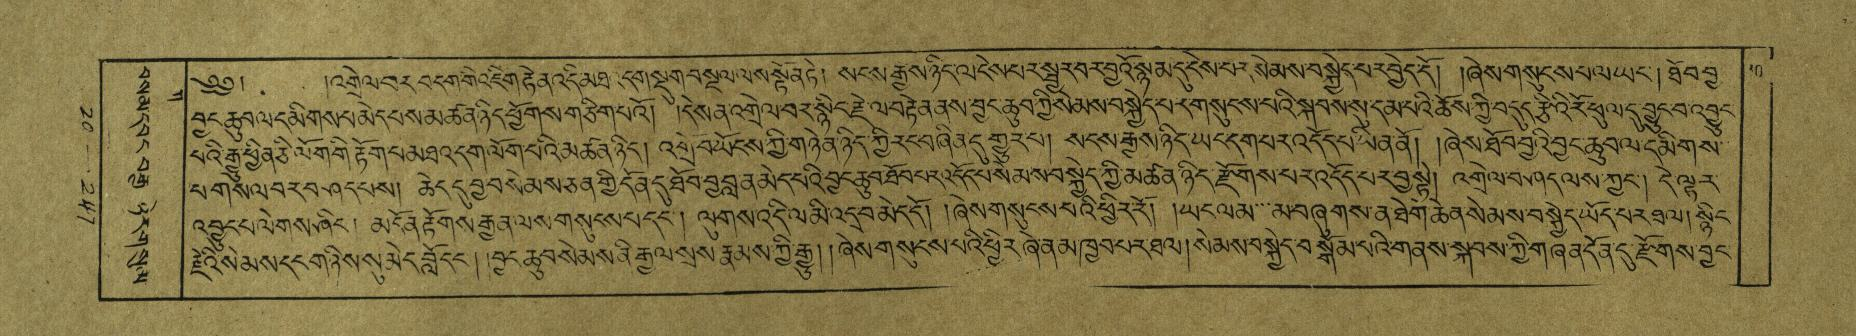༄༅། །འགྲེལ་བར་བདག་གི་འཇིག་རྟེན་འདི་མཐའ་དག་སྡུག་བསྔལ་ལས་སྟོན་ཏེ། སངས་རྒྱས་ཉིད་ལ་ངེས་པར་སྦྱར་བར་བྱའོ་སྙམ་དུ་ངེས་པར་སེམས་བསྐྱེད་པར་བྱེད་དོ། །ཞེས་གསུངས་པ་ལ་ཡང་། ཐོབ་བྱ་
བྱང་ཆུབ་ལ་དམིགས་པ་མེད་པས་མཚན་ཉིད་ཕྱོགས་གཅིག་པའོ། །དེས་ན་འགྲེལ་བར་སྙིང་རྗེ་ལ་བརྟེན་ནས་བྱང་ཆུབ་ཀྱི་སེམས་བསྐྱེད་པར་གསུངས་པའི་སྐབས་སུ་དམ་པའི་ཆོས་ཀྱི་བདུད་རྩིའི་རོ་ཕུལ་དུ་བྱུང་བ་འབྱུང་
པའི་རྒྱུ་ཕྱིན་ཅི་ལོག་གི་རྟོག་པ་མཐའ་དག་ལོག་པའི་མཚན་ཉིད། འགྲོ་བ་ཡོངས་ཀྱི་གཉེན་ཉིད་ཀྱི་རང་བཞིན་དུ་གྱུར་པ། སངས་རྒྱས་ཉིད་ཡང་དག་པར་འདོད་པ་ཡིན་ནོ། །ཞེས་ཐོབ་བྱའི་བྱང་ཆུབ་ལ་དམིགས་
པ་གསལ་བར་བཤད་པས། ཆེད་དུ་བྱ་བ་སེམས་ཅན་གྱི་དོན་དུ་ཐོབ་བྱ་བླ་ན་མེད་པའི་བྱང་ཆུབ་ཐོབ་པར་འདོད་པ་སེམས་བསྐྱེད་ཀྱི་མཚན་ཉིད་རྫོགས་པར་འདོད་པར་བྱ་སྟེ། འགྲེལ་བཤད་ལས་ཀྱང་། དེ་ལྟར་
འབྱུང་པ་ལེགས་ཤིང་། མངོན་རྟོགས་རྒྱན་ལས་གསུངས་པ་དང་། ལུགས་འདི་ལ་མི་འདྲ་བ་མེད་དོ། །ཞེས་གསུངས་པའི་ཕྱིར་རོ། །ཡང་ལམ་མ་བཞུགས་ན་ཐེག་ཆེན་སེམས་བསྐྱེད་ཡོད་པར་ཐལ། སྙིང་
རྗེའི་སེམས་དང་གཉིས་སུ་མེད་བློ་དང་། །བྱང་ཆུབ་སེམས་ནི་རྒྱལ་སྲས་རྣམས་ཀྱི་རྒྱུ། །ཞེས་གསུངས་པའི་ཕྱིར་ཞེ་ན་མ་ཁྱབ་པར་ཐལ། སེམས་བསྐྱེད་བསྒོམ་པའི་གནས་སྐབས་ཀྱི་གཞན་དོན་དུ་རྫོགས་བྱང་